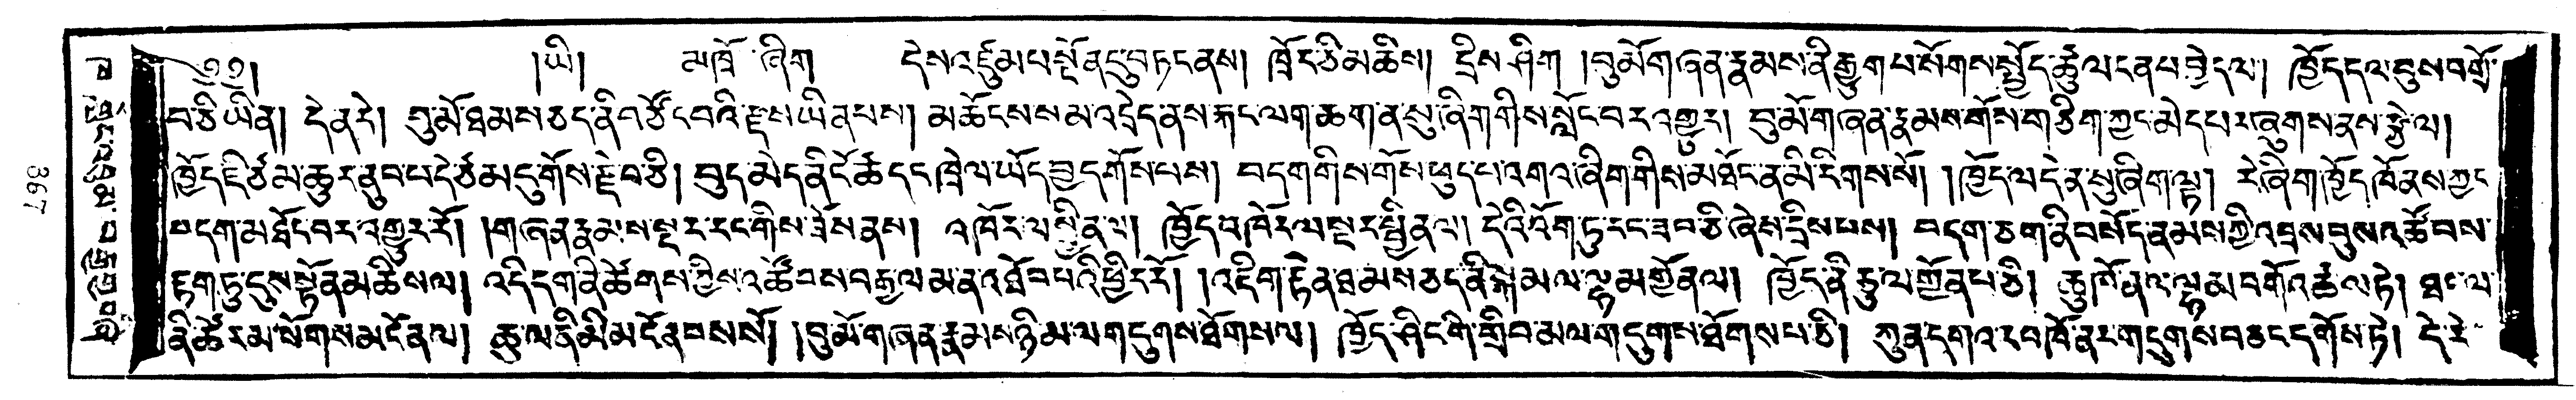༄༅། །ཡི། མཁྲོ་ཞིག་དེས་འཛུམ་པ་སྔོན་དུ་བཏང་ནས། ཁྲོང་ཅི་མཆིས། དྲིས་ཤིག །བུ་མོ་གཞན་རྣམས་ནི་རྒྱུག་པ་སོགས་སྤྱོད་ཚུལ་ངན་པ་བྱེད་ལ། ཁྱོད་དལ་བུས་བགྲོ་
བ་ཅི་ཡིན། དེ་ན་རེ། བུ་མོ་ཐམས་ཅད་ནི་བཙོང་བའི་རྫས་ཡིན་པས། མཆོངས་སམ་འདྲེད་ནས་རྐང་ལག་ཆག་ན་སུ་ཞིག་གིས་སློང་བར་འགྱུར། བུ་མོ་གཞན་རྣམས་གོས་གཅིག་ཀྱང་མེད་པར་ཞུགས་ནས་རྩེལ།
ཁྱོད་ཇི་ཙམ་ཆུར་ནུབ་པ་དེ་ཙམ་དུ་གོས་རྗེ་བ་ཅི། བུད་མེད་ནི་ངོ་ཚ་དང་ཁྲེལ་ཡོད་བྱ་དགོས་པས། བདག་གིས་གོས་ཕུད་པ་འགའ་ཞིག་གིས་མཐོང་ན་མི་རིགས་སོ། །ཁྱོད་ལ་དེ་ན་སུ་ཞིག་ལྟ། རེ་ཞིག་ཁྱོད་ཁོ་ནས་ཀྱང་
བདག་མཐོང་བར་འགྱུར་རོ། །གཞན་རྣམས་སྔར་རང་གིས་ཟོས་ནས། འཁོར་ལ་སྦྱིན་ལ། ཁྱོད་འཁོར་ལ་སྔར་སྦྱིན་ལ། དེའི་འོག་ཏུ་རང་ཟབ་ཅི་ཞེས་དྲིས་པས། བདག་ཅག་ནི་བསོད་ནམས་ཀྱི་འབྲས་བུས་འཚོ་བས་
རྟག་ཏུ་དུས་སྟོན་མཆིས་ལ། འདི་དག་ནི་ཚེགས་ཀྱིས་འཚོ་བས་བརྒྱ་ལམ་ན་འཐོབ་པའི་ཕྱིར་རོ། །འཇིག་རྟེན་ཐམས་ཅད་ནི་སྐམ་ལ་ལྷ་མགྱོན་ལ། ཁྱོད་ནི་ཆུ་ལ་གྱོན་པ་ཅི། ཆུ་ཁོ་ན་ལ་ལྷམ་བགོ་འཚལ་ཏེ། ཐབ་ལ་
ནི་ཚེར་མ་སོགས་མངོན་ལ། ཆུ་ལ་ནི་མི་མངོན་བས་སོ། །བུ་མོ་གཞན་རྣམས་ཉི་མ་ལ་གདུགས་ཐོགས་ལ། ཁྱོད་ཤིང་གི་གྲིབ་མལ་གདུགས་ཐོགས་པ་ཅི། ཀུན་དགའ་རབ་ཁོ་ནར་གདུགས་བཅང་དགོས་ཏེ། དེ་རེ་